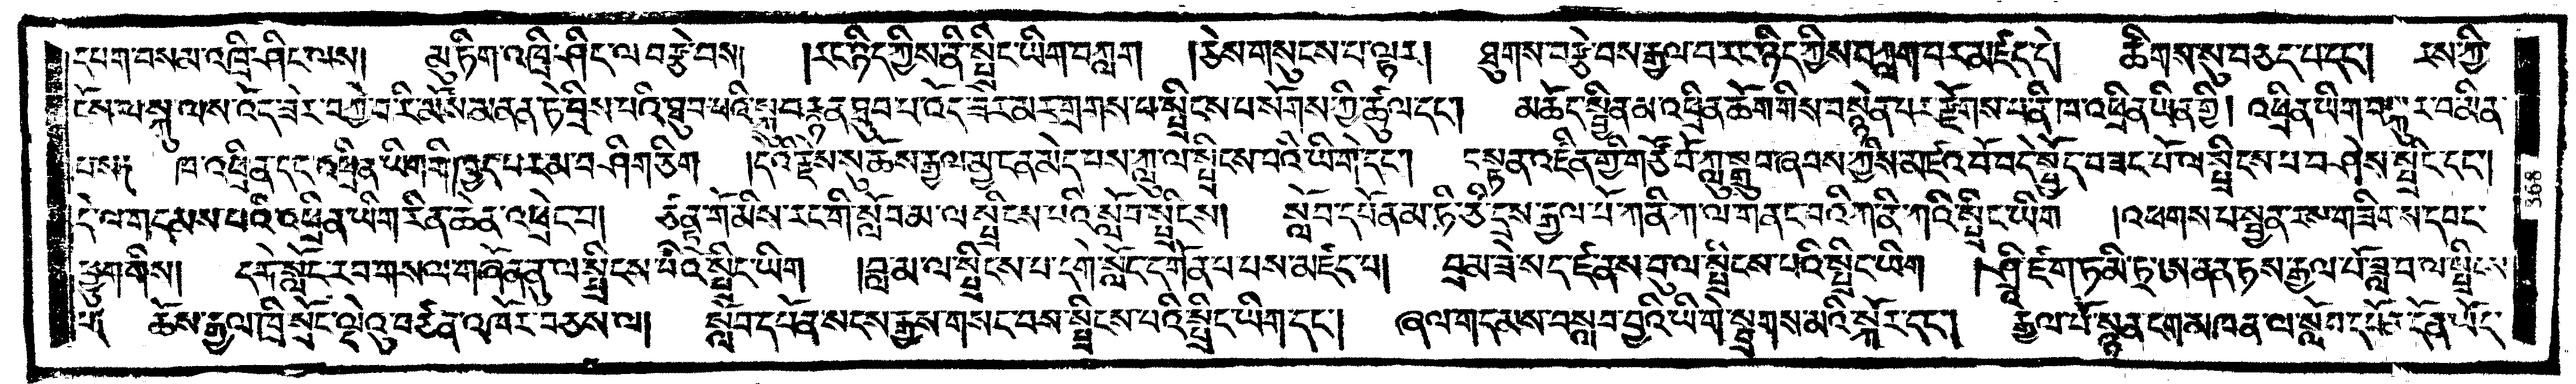དཔག་བསམ་འཁྲི་ཤིང་ལས། མུ་ཏིག་འཁྲི་ཤིང་ལ་བརྩེ་བས། །རང་ཉིད་ཀྱིས་ནི་སྤྲིང་ཡིག་བཀླག །ཅེས་གསུངས་པ་ལྟར། ཐུགས་བརྩེ་བས་རྒྱལ་བ་རང་ཉིད་ཀྱིས་བཀླག་བར་མཛད་དེ། ཚིགས་སུ་བཅད་པ་དང་། རས་ཀྱི་
ངོས་ལ་སྐུ་ལས་འོད་ཟེར་བཀྱེ་བ་རི་མོས་མནན་ཏེ་བྲིས་པའི་ཐུབ་པའི་སྐུ་བརྙན་ཐུབ་པ་འོད་ཟེར་མར་གྲགས་པ་སྤྲིངས་བྱི་ཚུལ་དང་། མཆོད་སྦྱིན་མ་འཕྲིན་ཆོག་གིས་བསྙེན་པར་རྫོགས་པ་ནི་ཁ་འཕྲིན་ཡིན་གྱི། འཕྲིན་ཡིག་བསྐུར་བ་མིན་
པས། ཁ་འཕྲིན་དང་འཕྲིན་ཡིག་གི་ཁྱད་པར་མ་བཤིག་ཅིག །དེའི་རྗེས་སུ་ཆོས་རྒྱལ་མྱ་ངན་མེད་པས་ཀླུ་ལ་སྤྲིངས་བའི་ཡི་གེ་དང་། བསྟན་འཛིན་གྱི་གཙོ་བོ་ཀླུ་སྒྲུབ་ཞབས་ཀྱིས་མཛད་བོ་བདེ་སྤྱོད་བཟང་པོ་ལ་སྤྲིངས་པ་བཤེས་སྤྲེང་དང་།
དེ་ལ་གདམས་པའི་འཕྲིན་ཡིག་རིན་ཆེན་འཕྲེང་པ། ཙནྟ་གོ་མིས་རང་གི་སློབ་མ་ལ་སྤྲིངས་པའི་སློབ་སྤྲིངས། སློབ་དཔོན་མ་ཏི་ཙི་དྲས་རྒྱལ་པོ་ཀ་ནི་ཀ་ལ་གནང་བའི་ཀ་ནི་ཀའི་སྤྲིང་ཡིག །འཕགས་པ་སྤྱན་རས་གཟིགས་དབང་
ཕྱུག་གིས། དགེ་སློང་རབ་གསལ་གཞོན་ནུ་ལ་སྤྲིངས་པའི་སྤྱིང་ཡིག །བླ་མ་ལ་སྤྲིངས་པ་དགེ་སློང་དགོན་པ་པས་མཛད་པ། བྲམ་ཟེ་སད་ཛ་ནས་བུ་ལ་སྤྲིངས་པའི་སྤྲིང་ཡིག །ཤྲཱི་ཛ་ག་ཏ་མི་ཏྲ་ཨ་ནན་ཏས་རྒྱལ་པོ་ཟླ་བ་ལ་སྦྲིངས་
པ། ཆོས་རྒྱལ་ཁྲི་སྲོང་ལྡེའི་བཙན་འཁོར་བཅས་ལ། སློབ་དཔོན་སངས་རྒྱས་གསང་བས་སྦྲིངས་པའི་སྤྲིང་ཡིག་དང་། ཞལ་གདམས་བསླབ་བྱའི་ཡི་གེ་སྦྲགས་མའི་སྐོར་དང་། རྒྱལ་པོ་སྙན་ངག་མཁན་ལ་སློབ་དཔོན་དོན་ཡོད་